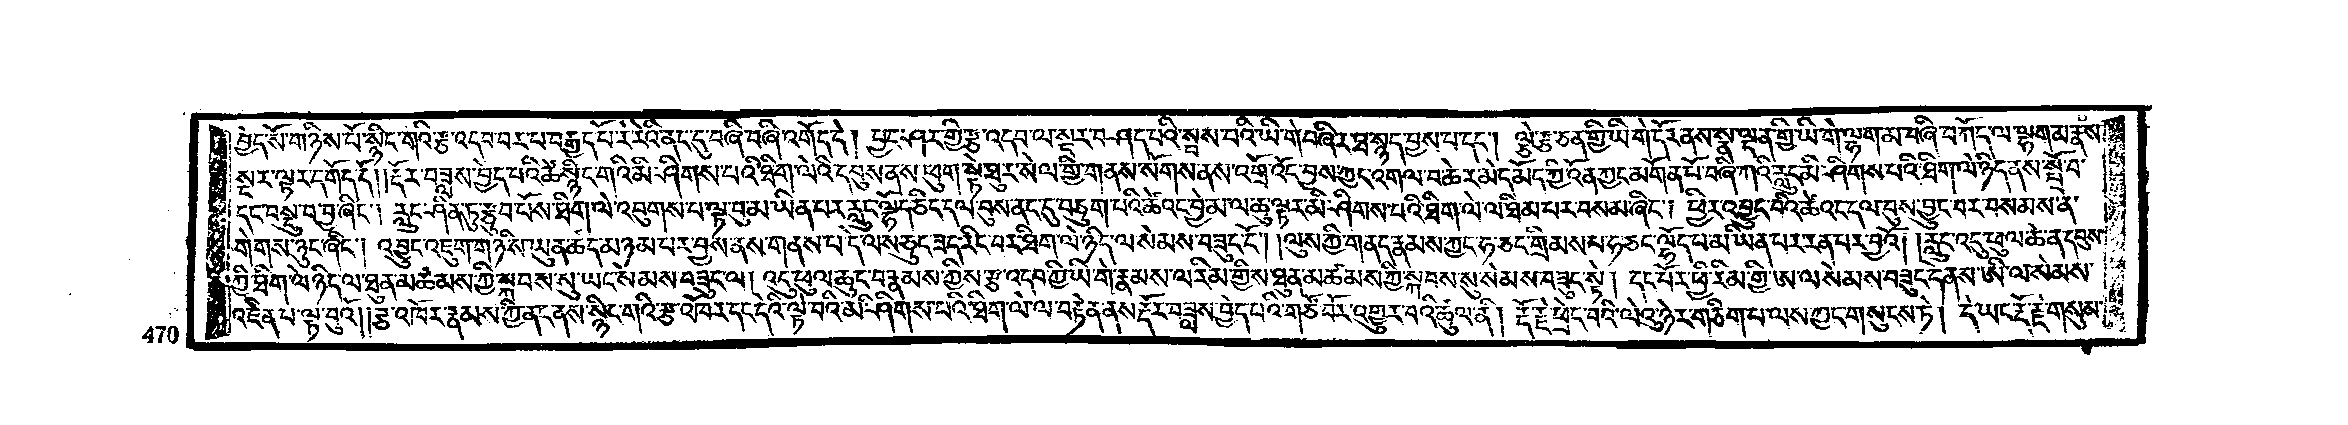བྱེད་སོ་གཉིས་པོ་སྙིང་གའི་རྩ་འདབ་བར་པ་བརྒྱད་པོ་རེ་རེའི་ནང་དུ་བཞི་བཞི་འགོད་དེ། བྱང་ཤར་གྱི་རྩ་འདབ་ལ་སྔར་བཤད་པའི་སྦས་པའི་ཡི་གེ་བཞིར་ཐ་སྙད་བྱས་པ་དང་། ལྕེ་རྩ་ཅན་གྱི་ཡི་གེ་དོར་ནས་སྣ་ལྡན་གྱི་ཡི་གེ་ལྷག་མ་བཞི་བཀོད་ལ་ལྷག་མ་རྣམས་
སྔར་ལྟར་དགོད་དོ། །རྡོར་བཟླས་བྱེད་པའི་ཚེ་སྙིང་གའི་མི་ཤིགས་པའི་ཐིག་ལེའི་དབུས་ནས་ཕུག་སྟེ་ཐུར་སེལ་གྱི་གནས་སོགས་ནས་འགྲོ་འོང་བྱས་ཀྱང་འགལ་བ་ཆེར་མེད་མོད་ཀྱི་འོན་ཀྱང་མགོན་པོ་བཞི་ཀའི་རླུང་མི་ཤིགས་པའི་ཐིག་ལེ་ཉིད་ནས་སྤྲོ་བ་
དང་བསྡུ་བ་བྱ་ཞིང་། རླུང་ཤིན་ཏུ་རྩུབ་པོས་ཐིག་ལེ་འབུགས་པ་ལྟ་བུ་མ་ཡིན་པར་རླུང་ལྷོད་ཅིང་དལ་བུས་ནང་དུ་བཅུག་པའི་ཚེའང་བྱེ་མ་ལ་ཆུ་ལྟར་མི་ཤིགས་པའི་ཐིག་ལེ་ལ་ཐིམ་པར་བསམ་ཞིང་། ཕྱིར་འབྱུང་བའི་ཚེའང་དལ་བུས་བྱུང་བར་བསམས་ན་
གེགས་ཉུང་ཞིང་། འབྱུང་འཇུག་གཉིས་ཡུན་ཚད་མཉམ་པར་བྱས་ནས་གནས་པ་དེ་ལས་ཅུང་ཟད་རིང་བར་ཐིག་ལེ་ཉིད་ལ་སེམས་བཟུང་ངོ། །ལུས་ཀྱི་གནད་རྣམས་ཀྱང་ཧ་ཅང་གྲིམས་པ་ཧ་ཅང་ལྷོད་པ་མ་ཡིན་པར་རན་པར་བྱའོ། །རླུང་འདུ་ཕུལ་ཆེ་ན་དབུས་
ཀྱི་ཐིག་ལེ་ཉིད་ལ་ཐུན་མཚམས་ཀྱི་སྐབས་སུ་ཡང་སེམས་བཟུང་ལ། འདུ་ཕུལ་ཆུང་བ་རྣམས་ཀྱིས་རྩ་འདབ་ཀྱི་ཡི་གེ་རྣམས་ལ་རིམ་གྱིས་ཐུན་མཚམས་ཀྱི་སྐབས་སུ་སེམས་བཟུང་སྟེ། དང་པོར་ཕྱི་རིམ་གྱི་ཨ་ལ་སེམས་བཟུང་དེ་ནས་ཨི་ལ་སེམས་
འཛིན་པ་ལྟ་བུའོ། །རྩ་འཁོར་རྣམས་ཀྱི་ནང་ནས་སྙིང་གའི་རྩ་འཁོར་དང་དེའི་ལྟེ་བའི་མི་ཤིགས་པའི་ཐིག་ལེ་ལ་བརྟེན་ནས་རྡོར་བཟླས་བྱེད་པའི་གཙོ་བོར་འགྱུར་བའི་ཚུལ་ནི། རྡོ་རྗེ་ཕྲེང་བའི་ལེའུ་ཉེར་གཅིག་པ་ལས་ཀྱང་གསུངས་ཏེ། དེ་ཡང་རྡོ་རྗེ་གསུམ་